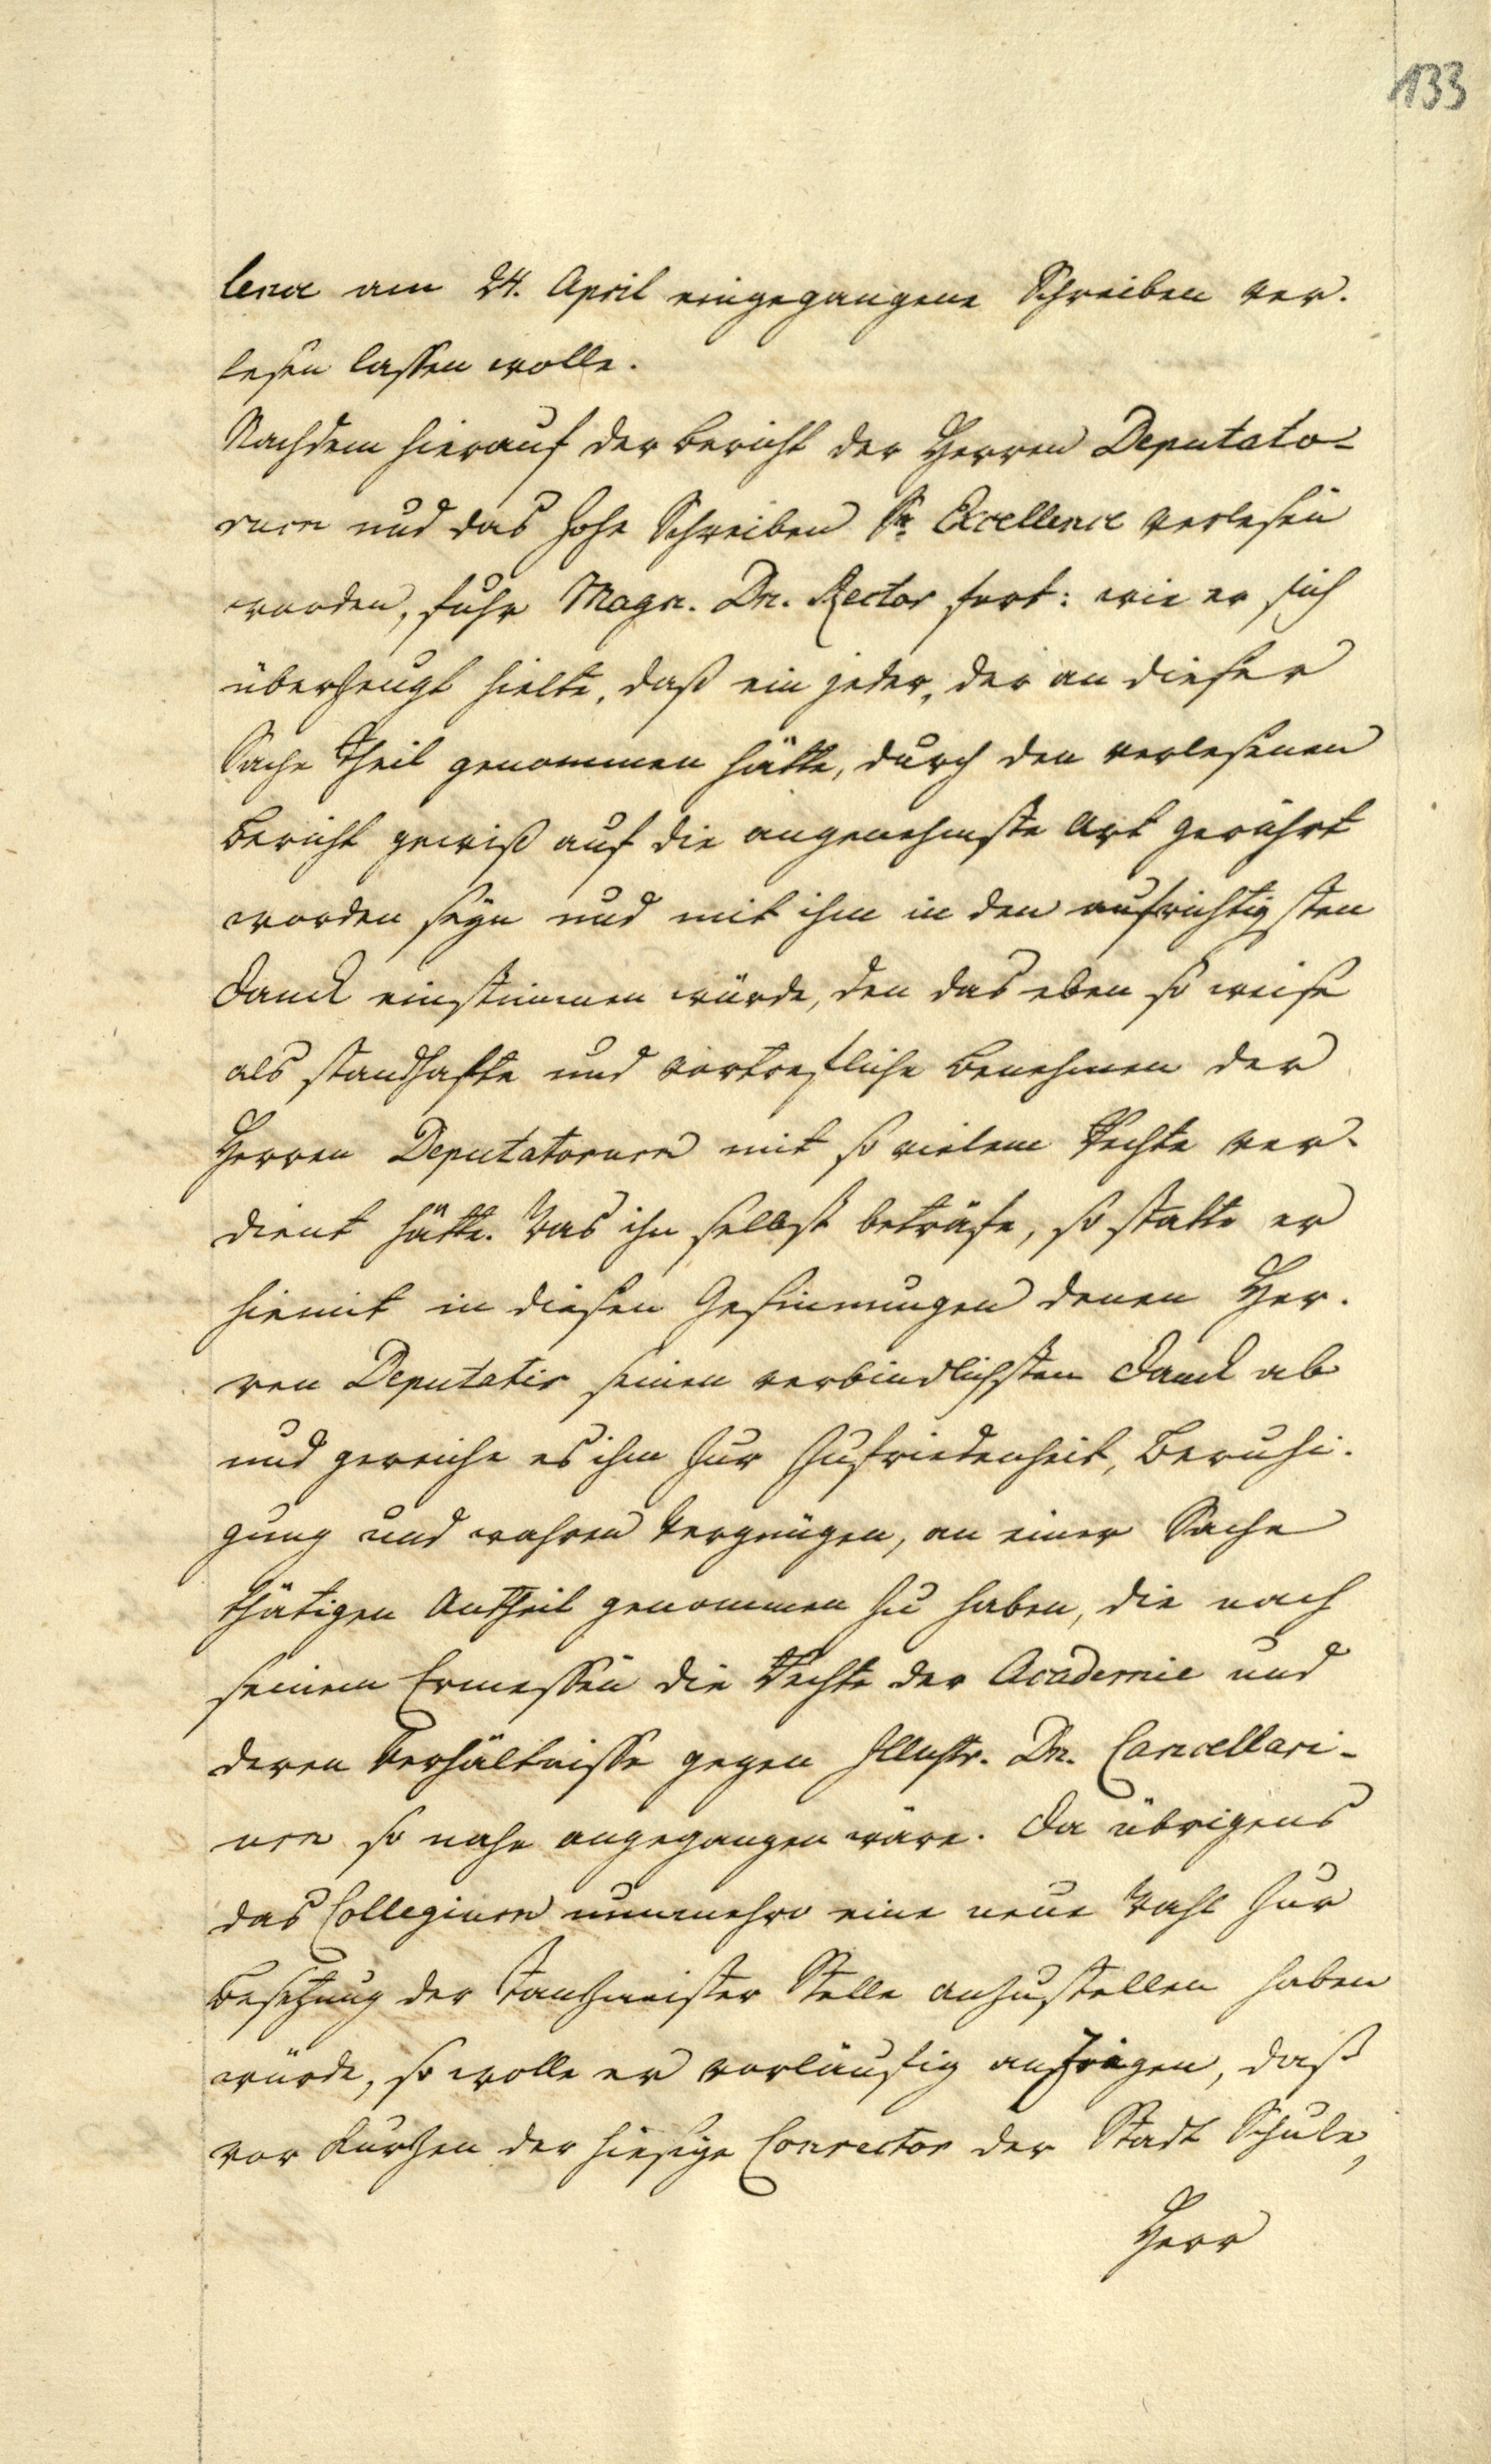lence am 24. April eingegangene Schreiben ver¬
lesen lassen wolle.
Nachdem hierauf der Bericht der Herren Deputato¬
rum und das hohe Schreiben Sr Excellence verlesen
worden, fuhr Magn. Dn. Rector fort: wie er sich
überzeugt hielte, daß ein jeder, der an dieser
Sache Theil genommen hätte, durch den verlesenen
Bericht gewiß auf die angenehmste Art gerührt
worden seÿn und mit ihm in den aufrichtigsten
Danck einstimmen würde, den das eben so weise
als standhafte und vortrefliche Benehmen der
Herren Deputatorum mit so vielem Rechte ver¬
dient hätte. Was ihn selbst beträfe, so statte er
hiemit in diesen Gesinnungen denen Her¬
ren Deputatis seinem verbindlichsten Danck ab
und gereiche es ihm zur Zufriedenheit, Beruhi¬
gung und wahren Vergnügen, an einer Sache
thätigen Antheil genommen zu haben, die nach
seinem Ermessen die Rechte der Academie und
deren Verhältnisse gegen Illustr. Dn. Cancellari¬
um so nahe angegangen wäre. Da übrigens
das Collegium nunmehro eine neue Wahl zur
Besetzung der Tanzmeister Stelle anzustellen haben
würde, so wolle er vorläufig anfragen, daß
vor kurzen der hiesige Conrector der Stadt Schule,
Herr